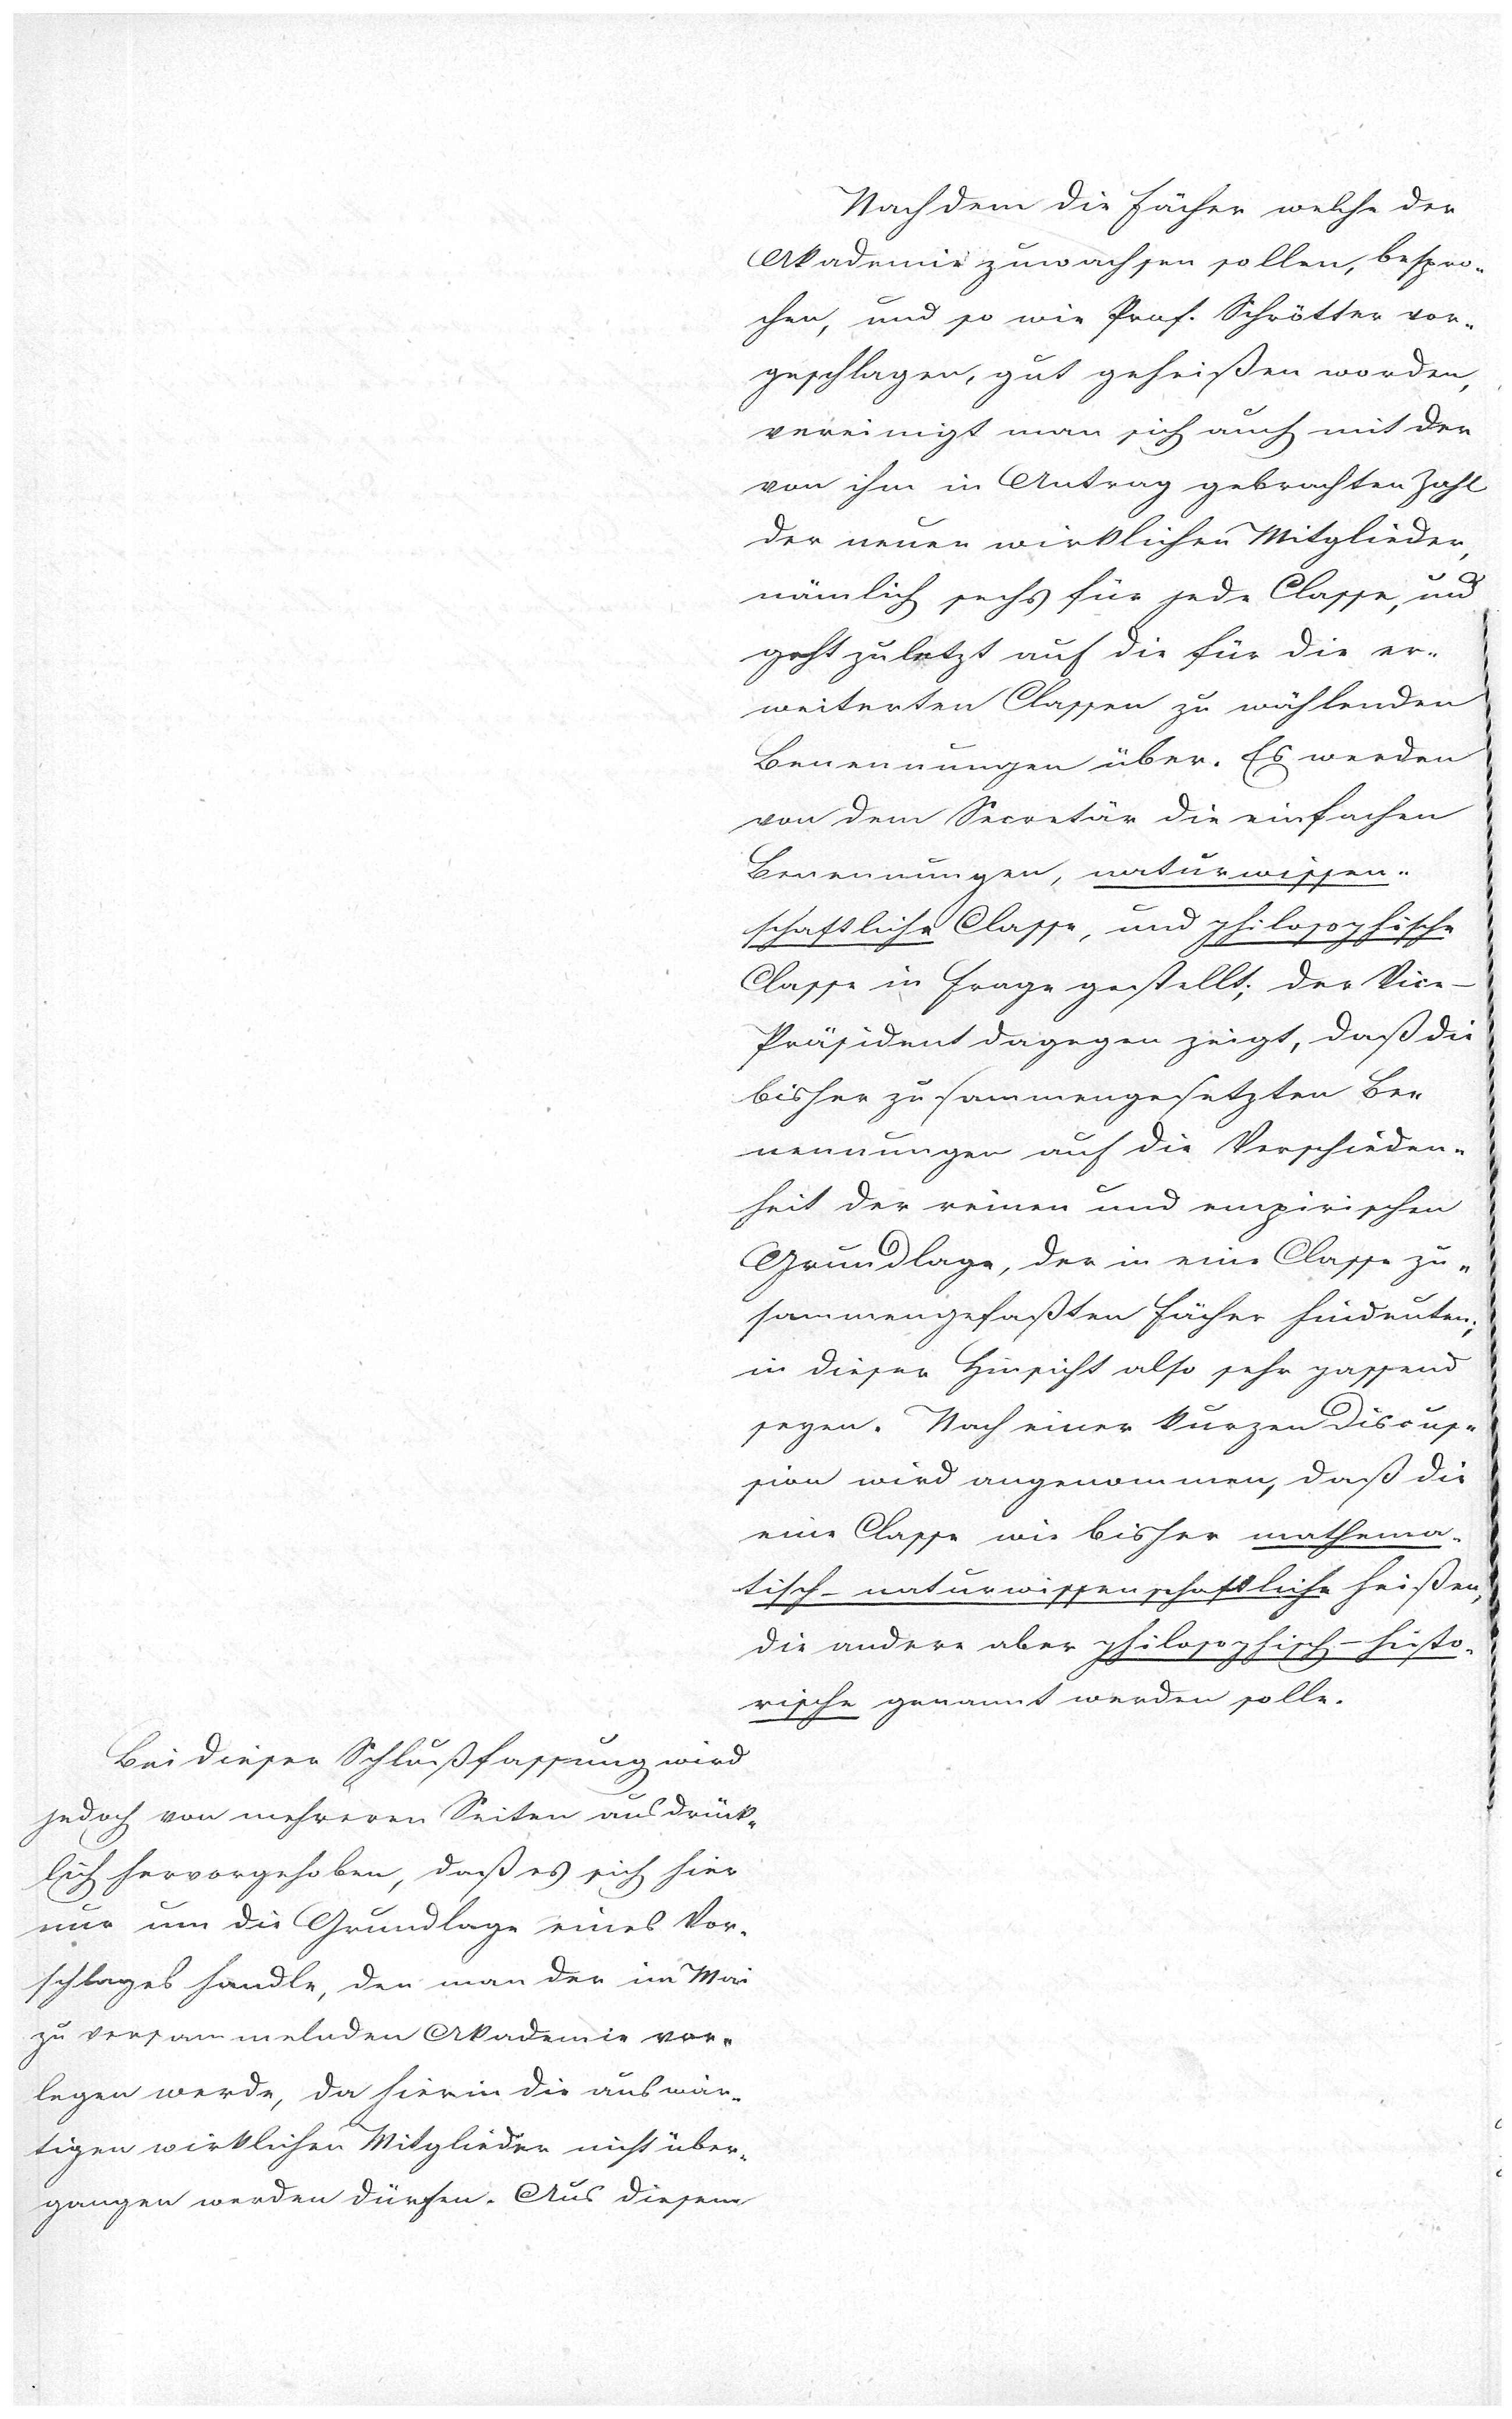Nachdem die Fächer welche der
Akademie zuwachsen sollen, bespro-
chen, und so wie Prof. Schrötter vor-
geschlagen, gut geheißen worden,
vereinigt man sich auch mit der
von ihm in Antrag gebrachten Zahl
der neuen wirklichen Mitglieder,
nämlich sechs für jede Classe, und
geht zuletzt auf der für die er-
weiterten Classen zu wählenden
Benennungen über. Es werden
von dem Secretär die einfachen
Benennungen, naturwissen-
schaftliche Classe, und philosophische
Classe in Frage gestellt, der Vice-
Präsident dagegen zeigt, daß die
bisher zusammengesetzten Be-
nennungen auch die Verschieden-
heit der reinen und empirischen
Grundlage, der in eine Classe zu-
sammengefaßten Fächer hindeuten;
in dieser Hinsicht also sehr passend
seyen. Nach einer kurzen Discus-
sion wird angenommen, daß die
eine Classe wie bisher mathema-
tisch-naturwissenschaftliche heißen,
die andere aber philosophisch-histo-
rische genannt werden solle.
Bei dieser Schlußfassung wird
jedoch von mehreren Seiten ausdrück-
lich hervorgehoben, daß es sich hier
nur um die Grundlage eines Vor-
schlages handle, den man der im Mai
zu versammelnden Akademie vor-
legen werde, da hierin die auswär-
tigen wirklichen Mitglieder nicht über
gangen werden dürfen. Aus diesem